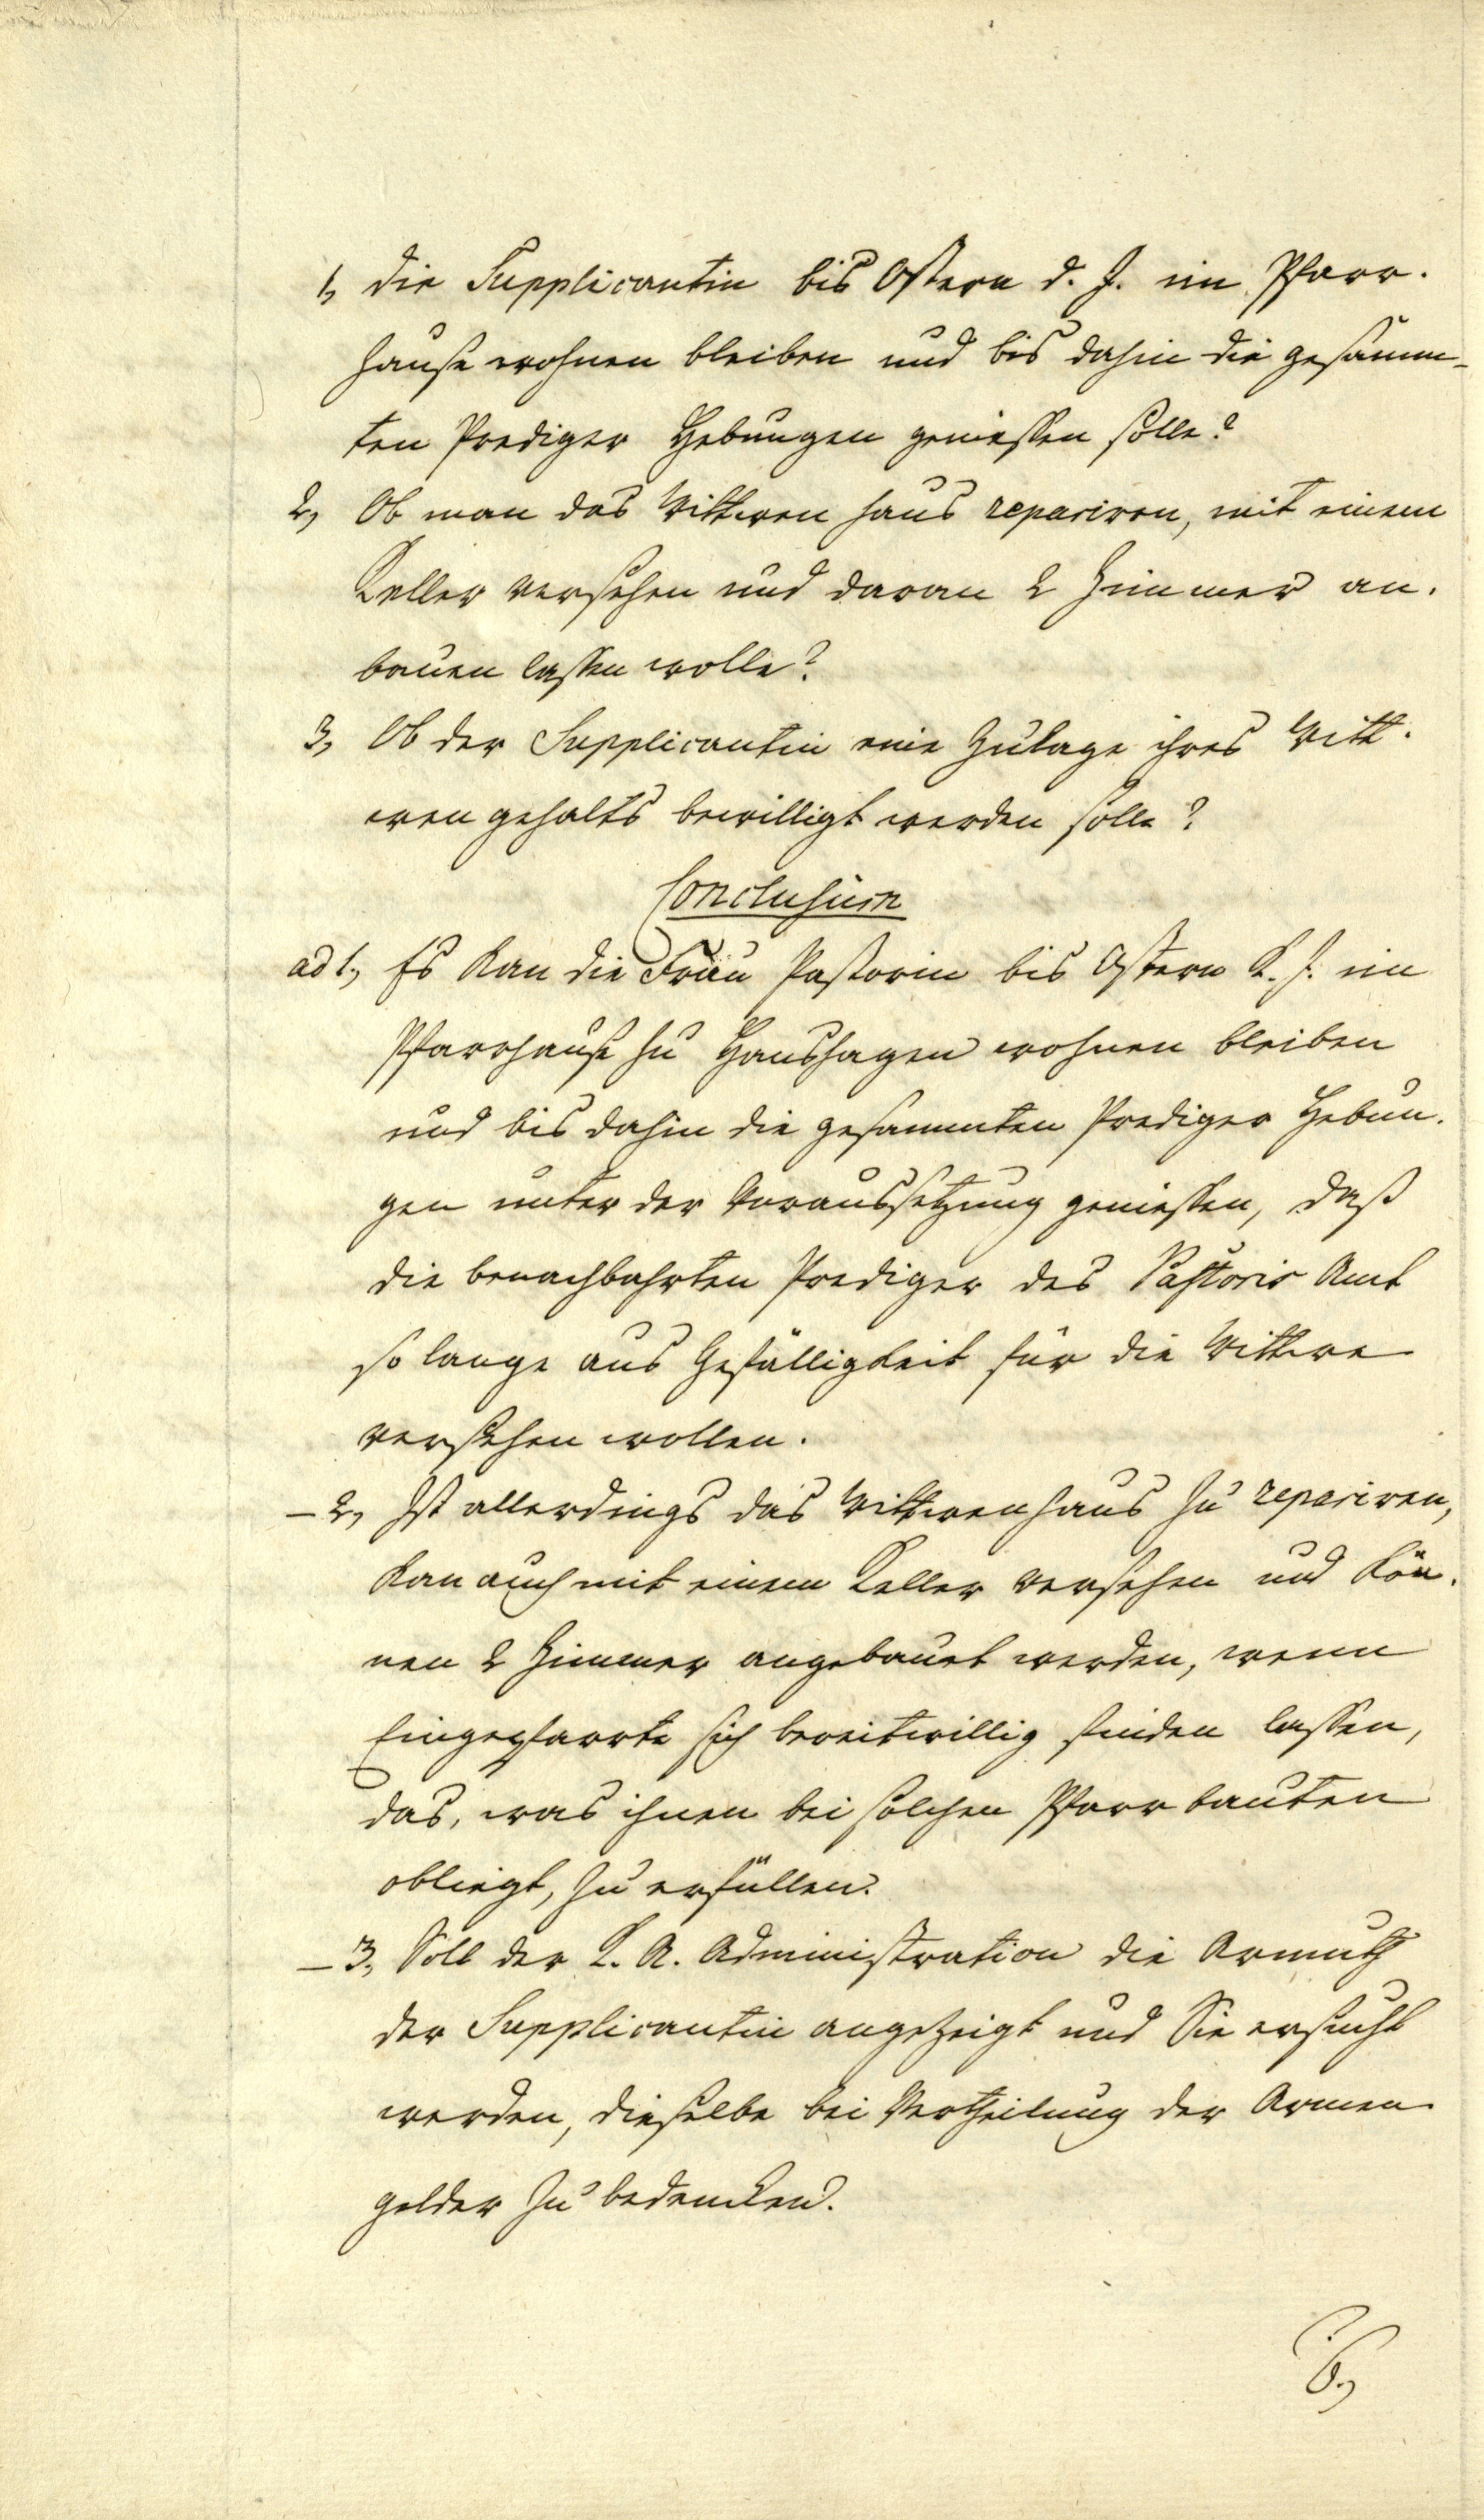1, die Supplicantin bis Ostern d. J. im Pfarr¬
hause wohnen bleiben und bis dahin die gesamm¬
ten Prediger Hebungen geniessen solle?
2., Ob man das Wittwen Haus repariren, mit einem
Keller versehen und daran 2 Zimmer an¬
bauen lassen wolle?
3., Ob der Supplicantin eine Zulage ihres Witt¬
wen gehalts bewilligt werden solle?
Conclusum
ad 1, Es kan die Frau Pastorin bis Ostern k. J. im
Pfarrhaus zu Hanshagen wohnen bleiben
und bis dahin die gesammten Prediger Hebun¬
gen unter der Voraussetzung geniessen, daß
die benachbahrten Prediger des Pastors Amt
so lange aus Gefälligkeit für die Wittwe
versehen wollen.
2., Ist allerdings das Wittwenhaus zu repariren,
kan auch mit einem Keller versehen und kön¬
nen 2 Zimmer angebauet werden, wenn
Eingepfarrte sich bereitwillig finden lassen,
das, was ihnen bei solchen Pfarrbauten
obliegt, zu erfüllen.
3. Soll der K. A. Administration die Armuth
der Supplicantin angezeigt und Sie ersucht
werden, dieselbe bei Vertheilung der Armen¬
gelder zu bedencken.
6.